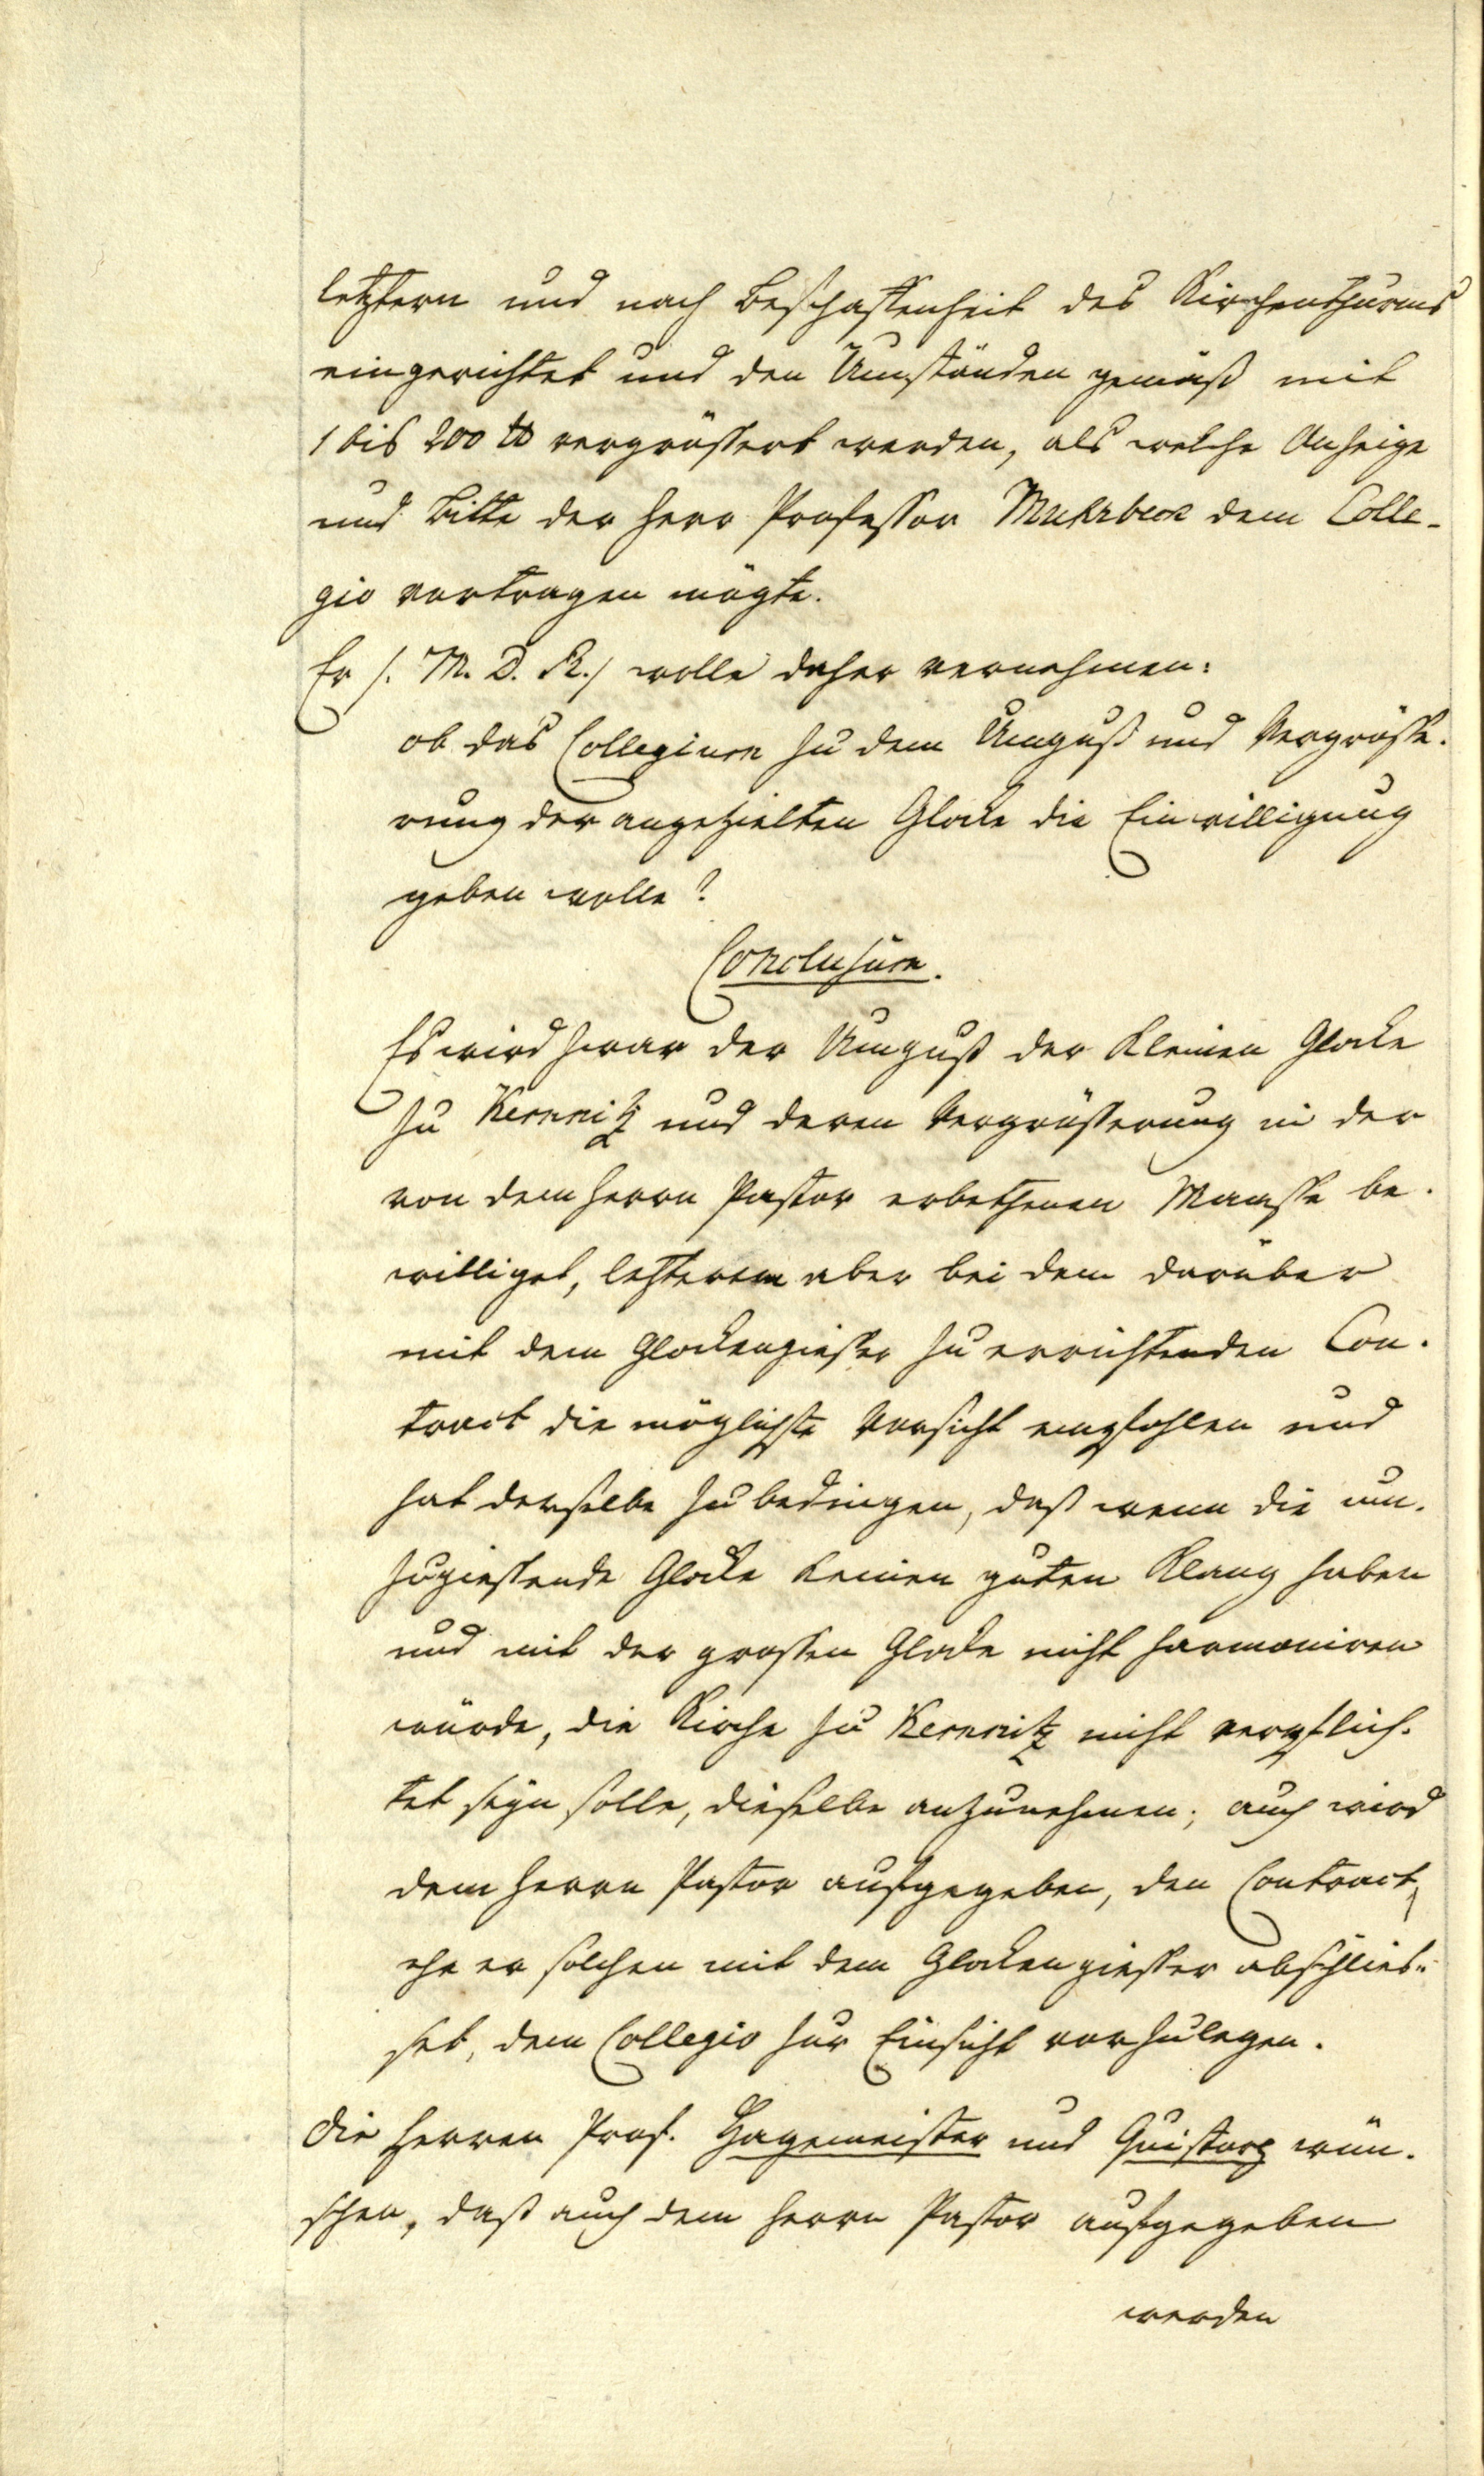letztern und nach Beschaffenheit des Kirchenthurms
eingerichtet und den Umständen gemäß mit
1 bis 200 tt vergrössert werden, als welche Anzeige
und Bitte der Herr Professor Muhrbeck dem Colle¬
gio vortragen mögte.
Er /. M. D. R./ wolle daher vernehmen:
ob das Collegium zu dem Umguß und Vergrösse¬
rung der angezielten Glocke die Einwilligung
geben wolle?
Conclusum
Es wird zwar der Umguß der kleinen Glocke
zu Kemnitz und deren Vergrösserung in der
von dem Herrn Pastor erbethenen Maasse be¬
williget, letzterem aber bei dem darüber
mit dem Gockengiesser zu errichtenden Con¬
tract die möglichste Vorsicht empfohlen und
hat derselbe zu bedingen, daß wenn die um¬
zugiessende Glocke keinen guten Klang haben
und mit der grossen Glocke nicht harmoniren
würde, die Kirche zu Kemnitz nicht verpflich¬
let seÿn solle, dieselbe anzunehmen; auch wird
dem Herrn Pastor aufgegeben, den Contract
ehe er solchen mit dem Glockengiesser abschlies¬
set, dem Collegio zur Einsicht vorzulegen.
Die Herren Prof. Hagemeister und Quistorp wün¬
schen, daß auch dem Herrn Pastor aufgegeben
werden